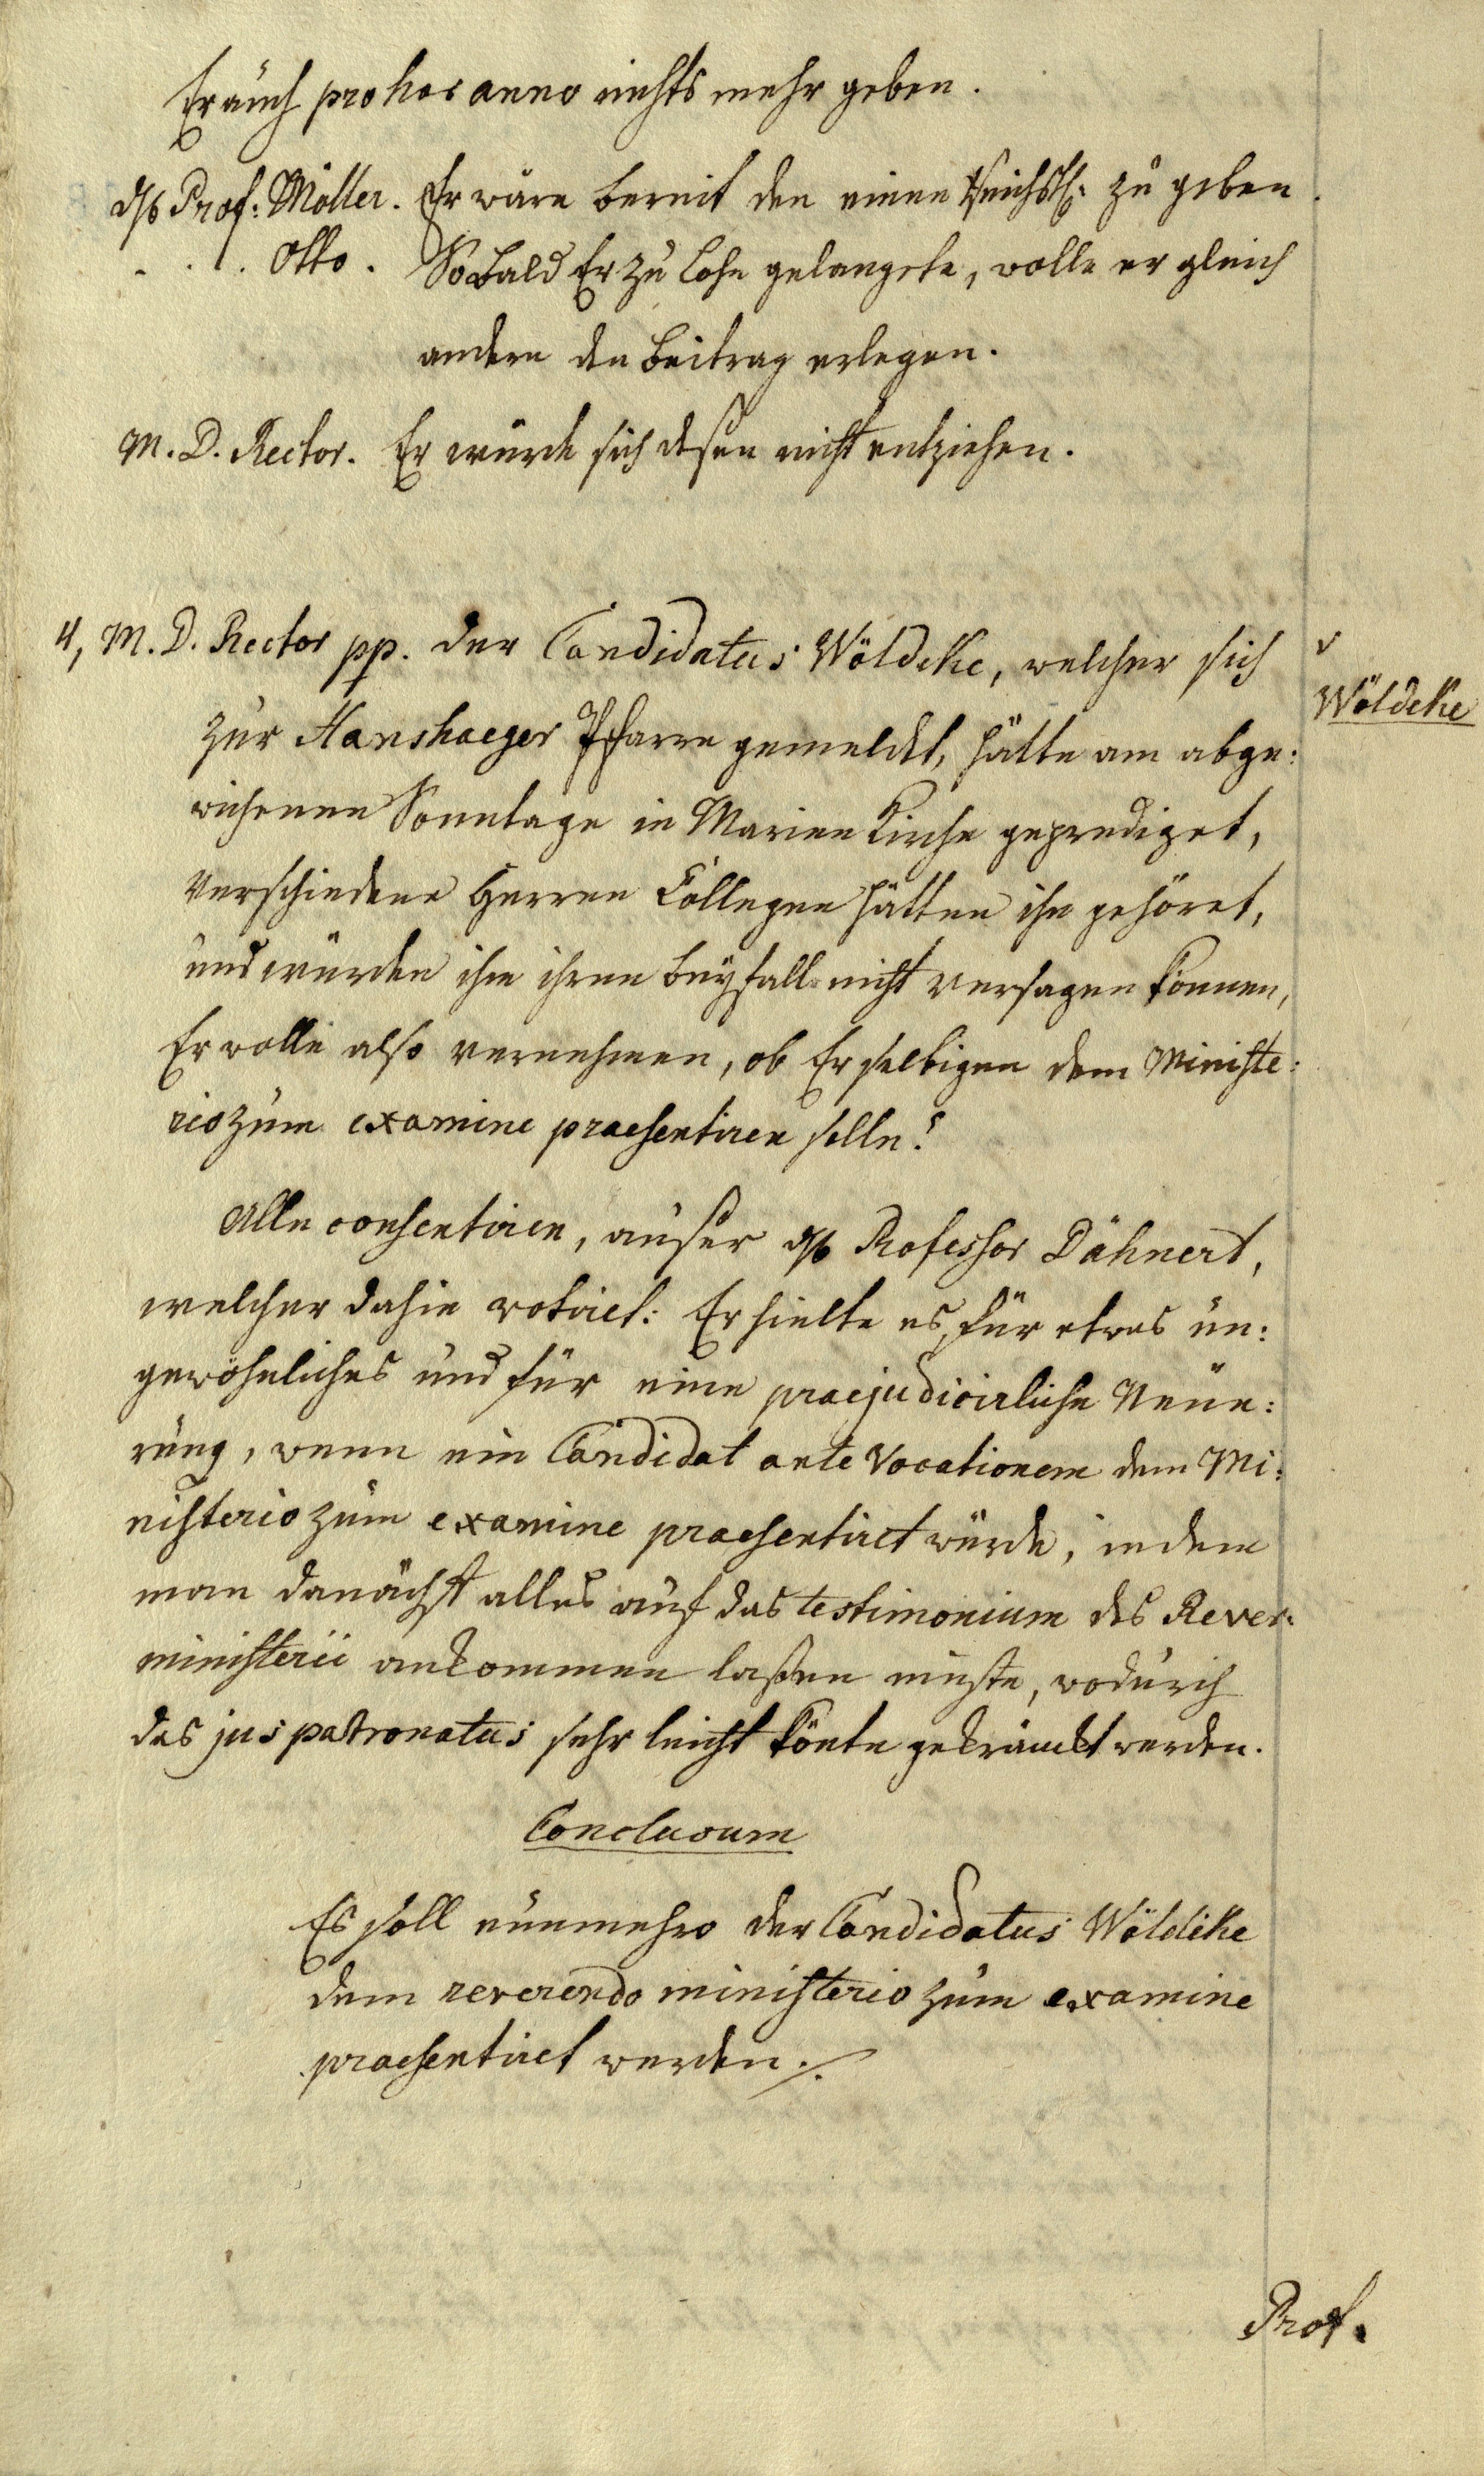Er auch pro hoc anno nichts mehr geben.
dh Prof: Möller. Er wäre bereit, den einen Reichst. zu geben.
Otto. So bald Er zu Lohn gelangete, wolle er gleich
andern den Beitrag erlegen.
M. D. Rector. Er würde sich deßen nicht entziehen.
4. M. D. Rector pp. der Candidatus Wöldeke, welcher sich
Wöldeke
zur Hanshaeger Pfarre gemeldet, hätte am abge¬
wichenen Sonntage in Marien Kirche geprediget,
verschiedenen Herren Collegen hätten ihn gehöret,
und würden ihm ihren Beÿfall nicht versagen können,
Er wolle also vernehmen, ob Er selbigen dem Ministe¬
rio zum examine praesentiren solle!
Alle consentiren, außer dh Professor Dähnert,
welcher dahin votiret: Er hielte es für etwas un¬
gewöhnliches und für eine praejudicirliche Neue¬
rung, wenn ein Candidat ante Vocationem dem Mi¬
nisterio zum examine praesentiret würde, in dem
man danächst alles auf das testimonium des Rever¬
ministerii ankommen laßen müste, wodurch
das jus patronatus sehr leicht könte gekränckt werden.
Conclusum
Es soll nunmehro der Candidatus Wöldike
dem reverendo ministerio zum examine
praesentiret werden.
Prof.